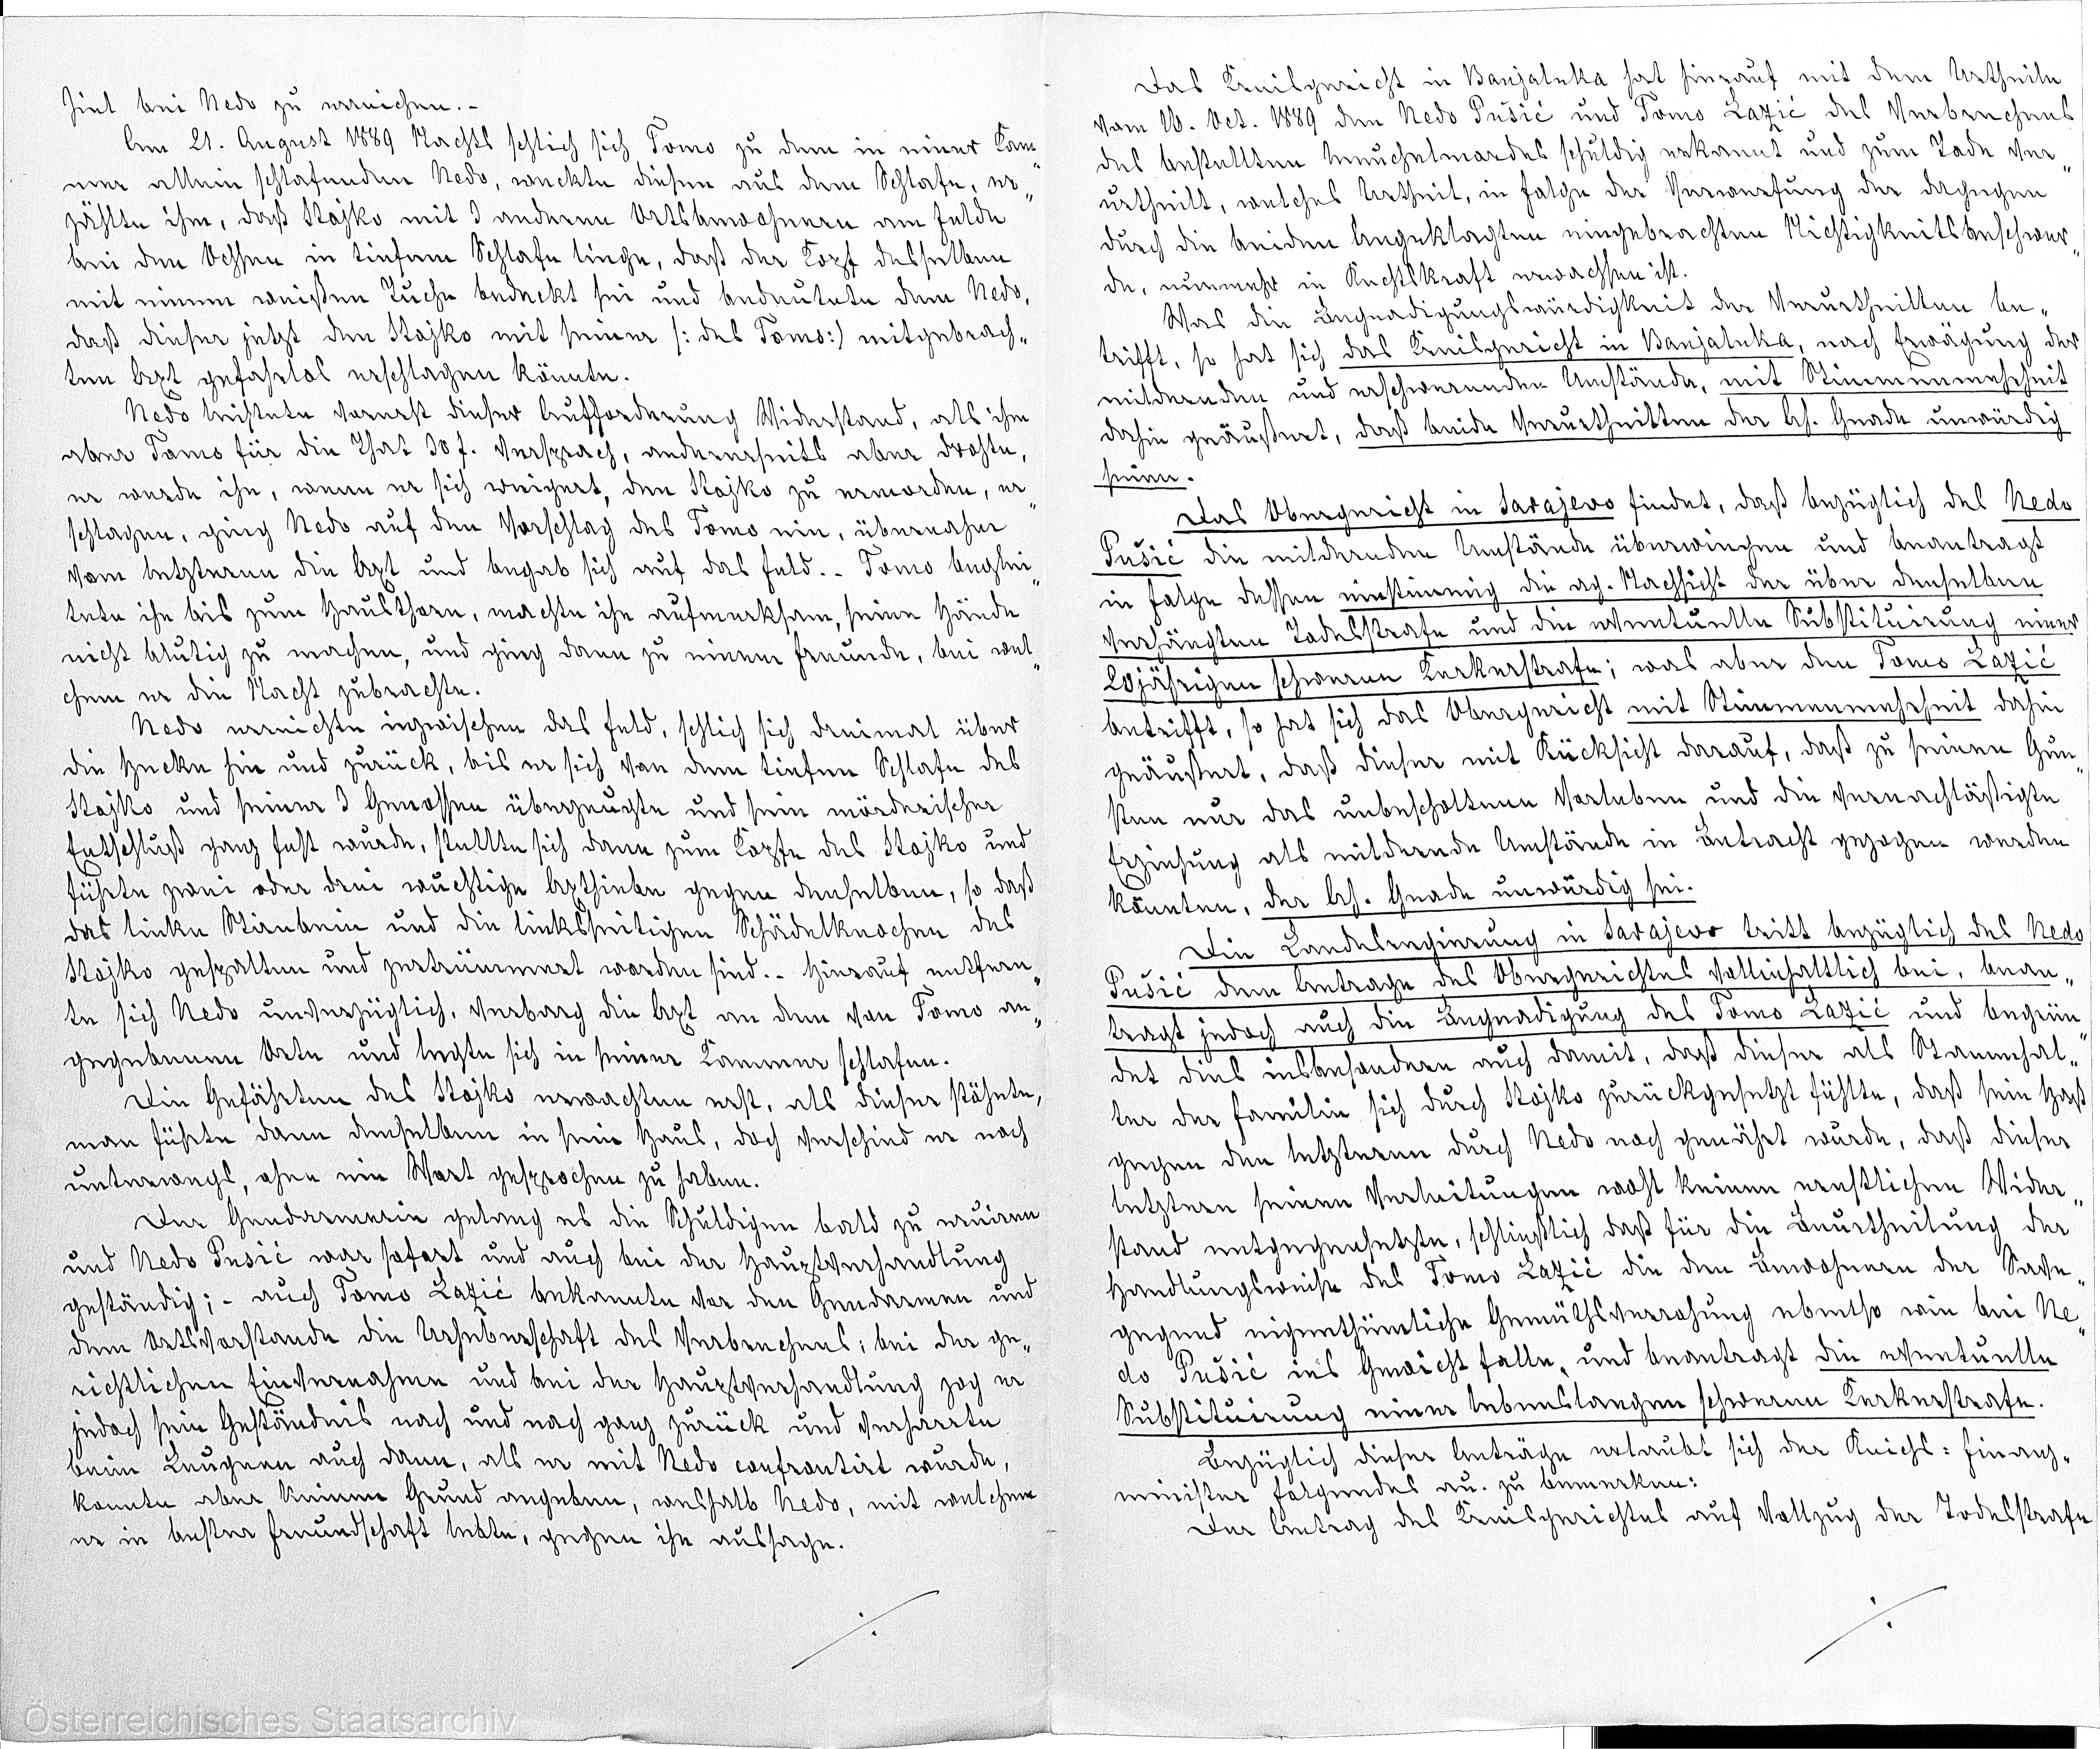Zeit bei Nedo zu erreichen. -
Am 21. August 1889 Nachts schlich sich Tomo zu dem in einer Kam¬
mer allein schlafenden Nedo, weckte diesen aus dem Schlafe, wo¬
zählte ihm, daß Kojko mit I anderen Ortsbewahnere am Felde
bei den Ochsen in tiefern Schlafe liege, daß der Kopf desselben
mit einen weißen Tuche bedeckt sei und bedeutete dem Nedo
daß dieser jetzt den Kojko mit seiner /: des Tomo:/ mitgebrach¬
ten boxt gefahrlos erschlagen könnte.
Nedo leistete vorerst dieser Aufforderung Widerstand, als ihm
aber Tomo für die That 20 J. versprach, andererseits aber drohte,
er wurde ihn, wenn er sich weigert, den Kojko zu ermorden, er¬
schlagen, ging Nedo auf den Vorschlag des Tomo ein, übernahm
vom letzteren die boxt und begab sich auf das Feld.. Tomo beglei¬
tete ihn bis zum Hausthorn, machte ihn aufmerksam, seien Hände
nicht blutig zu machen, und ging dann zu einem freunde, bei wel¬
chem er die Nacht zubrachte.
Nedo erreichte inzwischen das Feld, schlich sich dreimal über
die Hecke sie und zurück, bis er sich von dem tiefen Schlafe des
Kojko und seine 3 Genossen überzeugte und sein mörderischer
Entschluß ganz fest wurde, stellte sich dann zum Kopfe das Kojko und
führte zwei oder drei wuchtige Axthiebe gegen denselben, so daß
das linke Stirnbein und die linksseitigen Schädelknochen des
Kojko gespalten und zertrümmert worden sind.. - Hierauf entfern¬
te sich Nedo unverzüglich, verberg die Axt an dem von Tomo an¬
gegebenen Orte und legte sich in seiner Kommen schlafen.
Die Gefährten des Kojko erwachten erst, als dieser stöhnte,
man führte dann denselben in sein Haus, doch verschied er noch
unterwacht, ohne ein Wart gesprochen zu haben.
Der Gendarmerie gelang es die Schuldigen bald zu eruiren
und Nedo Pusić war sofert und auch bei der Hauptverhandlung
geständig; - auch Tomo Lazić bekannte vor den Gendarmen und
dem Ortsvorstande die Urheberschaft des Verbrechens; bei der ge¬
richtlichen Einvernahme und bei der Hauptverhandlung zog er
jedoch sein Geständnis nach und nach ganz zurück und verharrte
beim Leugnen auch dann, als er mit Nedo confrontirt wurde,
konnte aber keinen Grund angeben, weshalb Nedo, mit welchen
er in bester Freundschaft lebte, gegen ihr aussage.
Das Kreisgewicht in Banjaleka hat hierauf mit dem Urtheile
vom 20. Oct. 1889 den Nedo Pusić und Tomo Lazić des Verbrechens
des bestellten Meuchelmordes schuldig erkannt und zum Tode ver¬
urtheilt, welches Urtheil, in Folge der Verwerfung der dagegen
durch die beiden Angeklagten eingebrachten Nichtigkeitsbeschwer¬
de, nunmehr in Rechtskraft erwachsen ist.
Was die Begnadigungswürdigkeit der Verurtheilten be¬
trifft, so hat sich das Kreisgericht in Banjateka, nach Erwägung der
mildernden und erschwerenden Umstände, mit Stimmenmehrheit
dahin geäußert, daß beide Verurtheilten der Ah. Gnade unwürdig
seine.
Das Obergericht in Sarajevo findet, daß bezüglich des Nedo
Pusić die mildernden Umstände überwiegen und beantragt
in folge dessen einstimmig die ag. Nachsicht der über denselben
verhängten Todesstrafe und die eventuntte Substituirung einer
20 jährigen schweren Kerkerstrafe; was aber den Tomo Lazić
betrifft, so hat sich das Obergericht mit Stimmenmehrheit dahin
geäußert, daß dieser mit Rücksicht darauf, daß zu seinen Gun¬
sten nur das unbescholtene Vorleben und die vernachläßigte
Erziehung als mildernde Umstände in Betracht gezogen werden
könnten, der As. Gnade unwürdig sei.
Die Landesregierung in Savajevo tritt bezüglich des Nedo
Pusić dem Antrage des Obergerichtes vollinhaltlich bei, bean¬
tragt jedoch auch die Begnadigung des Tomo Lazić und begrün¬
det dies insbesondere auch damit, daß dieser als Stammhal¬
ter der Familie sich durch Kojko zurückgesetzt fühlte, daß sein Haß
gegen den letztenenn durch Nedo noch genährt wurde, daß dieser
letztere seinen Verleitungen wohl keinen ernstlichen Wider¬
stand entgegensetzte, schließlich daß für die Beurtheilung der
Handlungsweise des Tomo Lazić die den Bewohnern der Save¬
gegend eigenthümliche Gemüthsverrohung ebnest wie bei Ne¬
do Pusić ins Gmeicht falle und beantragt die eventuelle
Substituirung einer lebenslangen schweren Kerkerstrafe.
Bezüglich dieser Anträge erlaubt sich den Reichs = Finanz¬
minister Folgendes au. zu bemerken:
Der Antrag des Kreisgerichtes auf Vollzug der Todesstrafe